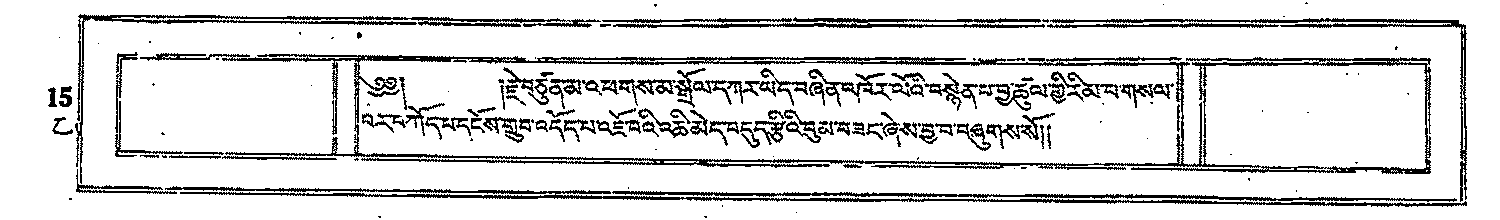༄༅། །རྗེ་བཙུན་མ་འཕགས་མ་སྒྲོལ་དཀར་ཡིད་བཞིན་འཁོར་ལོའི་བསྙེན་པ་བྱ་ཚུལ་གྱི་རིམ་པ་གསལ་
བར་བཀོད་པ་དངོས་གྲུབ་འདོད་པ་འཇོ་བའི་འཆི་མེད་བདུད་རྩིའི་བུམ་བཟང་ཞེས་བྱ་བ་བཞུགས་སོ།།